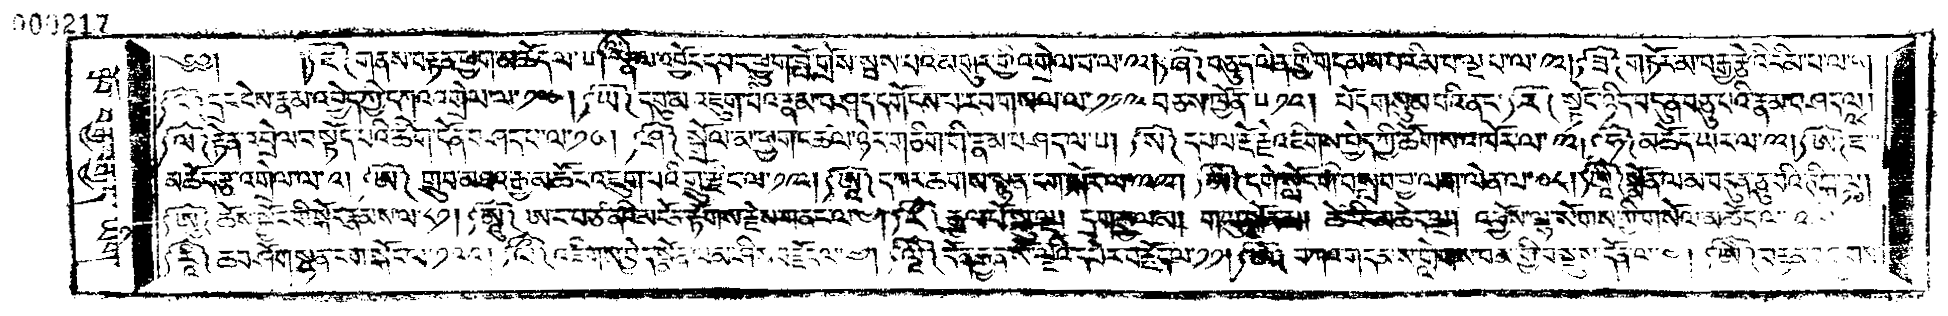༄༅། །༼ཛ༽ གནས་བརྟན་ཕྱག་མཆོད་ལ ༥། ༼ཝ༽ རྣལ་འབྱོར་དབང་ཕྱུག་བློ་གྲོས་སྦས་པའི་མགུར་གྱི་འགྲེལ་བ་ལ ༣། ༼ཞ༽ བཅུད་ལེན་གྱི་གདམས་པ་རིམ་པ་ལྔ་པ་ལ ༣༼་༽ཟ་གཏོར་མ་བརྒྱ་རྩེའི་རིམ་པ་ལ ༥།
༼འ༽ དྲང་ངེས་རྣམ་འབྱེད་ཀྱི་དཀའ་འགྲེལ་ལ ༡༠༦། ༼ཡ༽ དབུ་མ་འཇུག་པའི་རྣམ་བཤད་དགོངས་པ་རབ་གསལ་ལ ༡༡༣་བཅས་ཁྱོན་པ ༡༢། པོད་གསུམ་པའི་ནང ༼ར༽ སྟོང་ཉིད་བདུན་བཅུ་པའི་རྣམ་བཤད་ལ།
༼ལ༽ རྟེན་འབྲེལ་བསྟོད་པའི་ཚིག་དོན་བཤད་པ་ལ ༡༦། ༼ཤ༽ སྒྲོལ་མ་ཕྱག་འཚལ་ཉེར་གཅིག་གི་རྣམ་བཤད་ལ ༥། ༼ས༽ དཔལ་རྡོ་རྗེ་འཇིགས་བྱེད་ཀྱི་ཚོགས་འཁོར་ལ ༣། ༼ཧ༽ མཆོད་ཡར་ལ ༣། ༼ཨ༽ ཇ་
མཆོད་རྩ་འགྲེལ་ལ ༢། ༼ཨ༽ གྲུབ་མཐའ་རྒྱ་མཚོར་འཇུག་པའི་གྲུ་རྫིང་ལ ༡༣། ༼ཨཱ༽ དཀར་ཆགས་སྙན་ངག་སྐོར་ལ ༣༣། ༼ཨི༽ དགེ་སློང་གི་བསླབ་བྱ་ལག་ལེན་ལ ༧༨། ༼ཨཱི༽ སྨོན་ལམ་བདུན་ཅུ་པའི་ཊིཀྐ་ལ།
༼ཨུ༽ ཆོས་སྐྱོང་གི་སྐོང་རྣམས་ལ ༨༡། ༼ཨཱུ༽ ཨ་ར་པ་ཙ་ནའི་མངོན་རྟོགས་རྗེས་ནང་ལ ༤། ༼རི༽ རྒྱལ་པོ་སྐུ་ལྔ། དྲག་རྒྱལ་མ། གཡུ་སྒྲོན་མ། ཚེ་རིང་མཆེད་ལྔ། འཕྱོས་ལྷ་སོགས་ཀྱི་གསོལ་མཆོད་ལ ༢༦།
༼རཱི༽ ཆབ་ཤོག་སྙན་ངག་སྐོར་ལ ༡༢༢། ༼ལྀ༽ འཇིགས་བྱེད་སྨོན་ལམ་ཤིས་རྗོད་ལ ༤། ༼ལཱི༽ དོན་རྒྱན་སོ་ལྔའི་དཔེར་བརྗོད་ལ ༡༡། ༼ཨེ༽ བཀའ་གདམས་གླེགས་བམ་གྱི་བསྡུས་དོན་ལ ༤། ༼ཨཻ༽ བརྟན་བཞུགས་